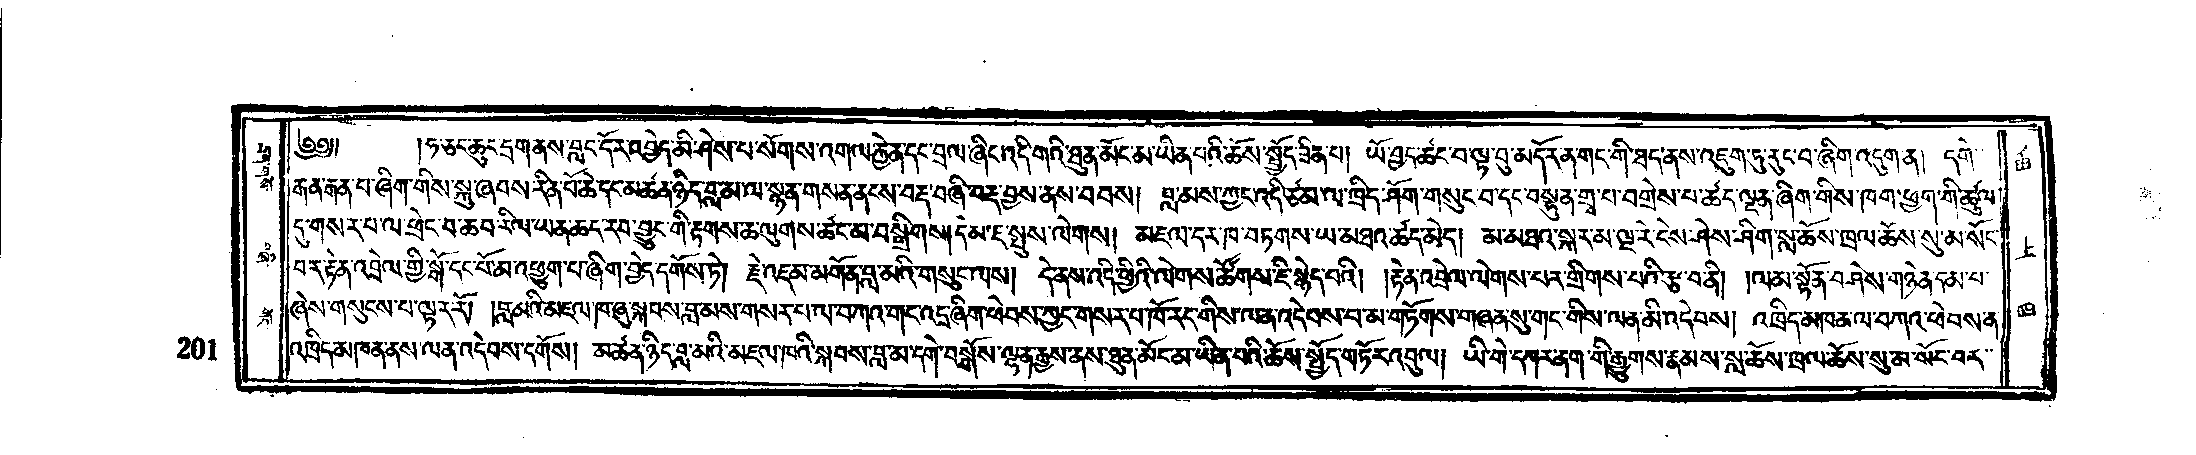༄༅། །ཧ་ཅང་ཆུང་དྲག་ནས་བླང་དོར་འབྱེད་མི་ཤེས་པ་སོགས་འགལ་རྐྱེན་དང་བྲལ་ཞིང་འདི་གའི་ཐུན་མོང་མ་ཡིན་པའི་ཆོས་སྤྱོད་ཟིན་པ། ཡོ་བྱད་ཚང་བ་ལྟ་བུ་མདོར་ན་གང་གི་ཐད་ནས་འཇུག་ཏུ་རུང་བ་ཞིག་འདུག་ན། དགེ་
རྒན་རྒན་པ་ཞིག་གིས་སྐུ་ཞབས་རིན་པོ་ཆེ་དང་མཚན་ཉིད་བླ་མ་ལ་སྙན་གསན་ནངས་བརྡ་བཞི་བརྡ་བྱས་ནས་བབས། བླ་མས་ཀྱང་འདི་ཙམ་ལ་ཁྲིད་ཤོག་གསུང་བ་དང་བསྟུན་གྲྭ་པ་བགྲེས་པ་ཚད་ལྡན་ཞིག་གིས་ཁག་ཕྱག་གི་ཚུལ་
དུ་གསར་པ་ལ་ཕྲེང་བ་ཆབ་རིལ་ཡན་ཆད་རབ་བྱུང་གི་རྟགས་ཆ་ལུགས་ཚང་མ་བསྒྲིགས། དེམ་ཇ་སྤུས་ལེགས། མཇལ་དར་ཁ་བཏགས་ཡ་མཐའ་ཚད་མེད། མ་མཐའ་སྐར་མ་ལྔ་རེ་ངེས་ཤེས་ཤིག་སླ་ཆོས་ཁྲལ་ཆོས་སུ་མ་སོང་
བར་རྟེན་འབྲེལ་གྱི་སྒོ་དང་པོ་མ་འཕྱུག་པ་ཞིག་བྱེད་དགོས་ཏེ། རྗེ་འཇམ་མགོན་བླ་མའི་གསུང་ལས། དེ་ནས་འདི་ཕྱིའི་ལེགས་ཚོགས་ཇི་སྙེད་པའི། །རྟེན་འབྲེལ་ལེགས་པར་གྲིགས་པའི་རྩ་བ་ནི། །ལམ་སྟོན་བཤེས་གཉེན་དམ་པ་
ཞེས་གསུངས་པ་ལྟར་རོ། །བླ་མའི་མཇལ་ཁ་ཞུ་སྐབས་བླ་མས་གསར་པ་ལ་བཀའ་གང་འདྲ་ཞིག་ཕེབས་ཀྱང་གསར་པ་ཁོ་རང་གིས་ལན་འདེབས་པ་མ་གཏོགས་གཞན་སུ་གང་གིས་ལན་མི་འདེབས། འཁྲིད་མཁན་ལ་བཀའ་ཕེབས་ན་
འཁྲིད་མཁན་ནས་ལན་འདེབས་དགོས། མཚན་ཉིད་བླ་མའི་མཇལ་ཁའི་སྐབས་བླ་མ་དགེ་བསྒོས་ལྷན་རྒྱས་ནས་ཐུན་མོང་མ་ཡིན་པའི་ཆོས་སྤྱོད་གཏོར་འབུལ། ཡི་གེ་དཀར་ནག་གི་རྒྱུགས་རྣམས་སླ་ཆོས་ཁྲལ་ཆོས་སུ་མ་སོང་བར་